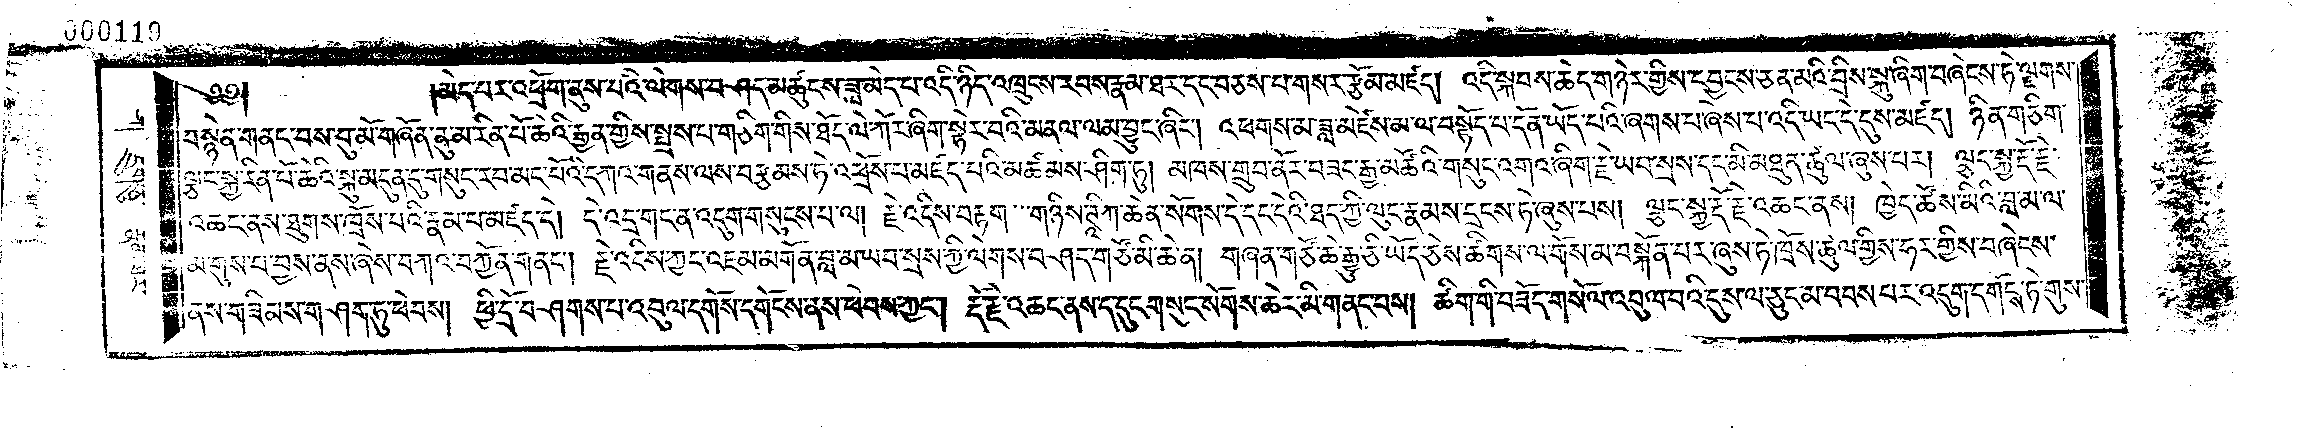༄༅། །མེད་པར་འཕྲོག་ནུས་པའི་ལེགས་བཤད་མཚུངས་ཟླ་མེད་པ་འདི་ཉིད་འཁྲུངས་རབས་རྣམ་ཐར་དང་བཅས་པ་གསར་རྩོམ་མཛད། འདི་སྐབས་ཆེད་གཉེར་གྱིས་དབྱངས་ཅན་མའི་བྲིས་སྐུ་ཞིག་བཞེངས་ཏེ་ལྗགས་
བསྙེན་གནང་བས་བུ་མོ་གཞོན་ནུ་མ་རིན་པོ་ཆེའི་རྒྱན་གྱིས་སྤྲས་པ་གཅིག་གིས་ཐོད་ལེ་ཀོར་ཞིག་སྟེར་བའི་མནལ་ལམ་བྱུང་ཞིང་། འཕགས་མ་ཟླ་མཛེས་མ་ལ་བསྟོད་པ་དོན་ཡོད་པའི་ཞགས་པ་ཞེས་པ་འདི་ཡང་དེ་དུས་མཛད། ཉིན་གཅིག་
ལྕང་སྐྱ་རིན་པོ་ཆེའི་སྐུ་མདུན་དུ་གསུང་རབ་མང་པོའི་དཀའ་གནས་ལས་བརྩམས་ཏེ་འཕྲོས་པ་མཛད་པའི་མཚམས་ཤིག་ཏུ། མཁས་གྲུབ་ནོར་བཟང་རྒྱ་མཚོའི་གསུང་འགའ་ཞིག་རྗེ་ཡབ་སྲས་དང་མི་མཐུན་ཚུལ་ཞུས་པར། ལྕང་སྐྱ་རྡོ་རྗེ་
འཆང་ནས་ཐུགས་ཁྲོས་པའི་རྣམ་པ་མཛད་དེ། དེ་འདྲ་གང་ན་འདུག་གསུངས་པ་ལ། རྗེ་འདིས་བརྟག་གཉིས་ཊཱི་ཀ་ཆེན་སོགས་དེ་དང་དེའི་ཐད་ཀྱི་ལུང་རྣམས་དྲངས་ཏེ་ཞུས་པས། ལྕང་སྐྱ་རྡོ་རྗེ་འཆང་ནས། ཁྱེད་ཚོས་མིའི་བླ་མ་ལ་
མ་གུས་པ་བྱས་ནས་ཞེས་བཀའ་བཀྱོན་གནང་། རྗེ་འདིས་ཀྱང་འཇམ་མགོན་བླ་མ་ཡབ་སྲས་ཀྱི་ལེགས་བཤད་གཙོ་མི་ཆེ་ན། གཞན་གཙོ་ཆེ་རྒྱུ་ཅི་ཡོད་ཅེས་ཚིགས་ལ་གོས་མ་བསྐོན་པར་ཞུས་ཏེ་ཁྲོས་ཚུལ་གྱིས་ཧར་གྱིས་བཞེངས་
ནས་གཟིམས་གཤག་ཏུ་ཕེབས། ཕྱི་དྲོ་བཤགས་པ་འབུལ་དགོས་དགོངས་ནས་ཕེབས་ཀྱང་། རྡོ་རྗེ་འཆང་ནས་ད་དུང་གསུང་སོགས་ཆེར་མི་གནང་བས། ཚིག་གི་བཟོད་གསོལ་འབུལ་བའི་དུས་ལ་ཅུང་མ་བབས་པར་འདུག་དགོངས་ཏེ་གུས་